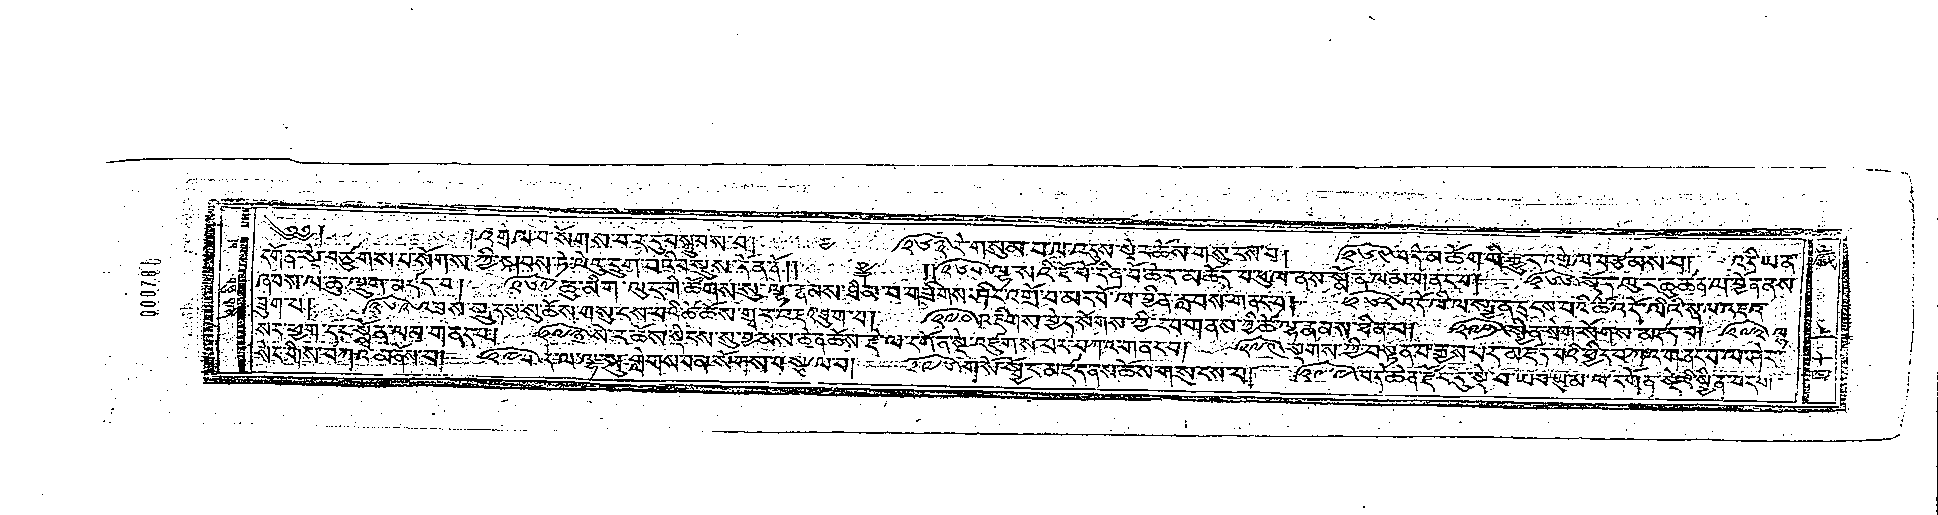༄༅། །འགྲེལ་བ་སོགས་པར་དུ་བསྒྲུབས་བ། ༧ ༼༢༦༣?་རེ་གསུམ་པ་ལ་འདུས་སྡེར་ཆོས་གསུངས་པ། ༽༢༦༤?་བདེ་མཆོག་གི་རྒྱུད་འགྲེལ་བརྩམས་པ། འདི་ཡན་
དགོན་སྡེ་བཙུགས་པ་སོགས་ཀྱི་སྐབས་ཏེ་ལེའུ་དྲུག་པའི་བསྡུས་དོན་ནོ།། ༈ ༧་།། ༼༢༦༥?་ལྷ་སའི་ཇོ་བོ་རིན་བོ་ཆེར་མཆོད་པ་ཕུལ་ནས་སྨོན་ལམ་གནང་བ། ༽༢༦༦?་སྟོད་ལུང་ཆུ་ཚན་ལ་བྱོན་ནས་
ཞབས་ལ་ཆུ་ལྡུག་མཛད་བ། ༼༢༦༧?་ཆུ་མིག་ལུང་གི་ཚོགས་སུ་ལྷ་རྣམས་ཐིམ་པ་གཟིགས་ཤིང་འགྲོ་བ་མང་བོ་ལ་བྱིན་རླབས་གནང་བ། ༽༢༦༨?་འོད་ལི་ལ་སྤྱན་དྲངས་པའི་ཚེ་འདོ་ལིའི་སྣ་ལ་འཇའ་
ཟུག་པ། ༼༢༦༩?་འབྲས་སྤུངས་སུ་ཆོས་གསུངས་བའི་ཚེ་ཆོས་གྲྭར་འཇའ་ཐུག་པ། ༽༢༧༠?་འཇིགས་བྱེད་སོགས་ཀྱི་རབ་གནས་ཀྱི་ཚེ་ལྷ་རྣམས་ཐིམ་པ། ༼༢༧༡?་སྤྱིན་སྲེག་སོགས་མཛད་པ། ༽༢༧༢?་ལྷ་
སར་ཕྱག་དང་སྨྲོན་ལམ་གནང་བ། ༼༢༧༣?་སེ་ར་ཆོས་སྡིངས་སུ་བྱམས་ཆེན་ཆོས་རྗེ་ལ་དགོན་སྡེ་འཛུགས་པར་བཀའ་གནང་བ། ༽༢༧༤?་སྔགས་ཀྱི་བསྟན་པ་རྒྱས་པར་མཛད་པའི་ཕྱིར་བཀའ་གནང་བ་ལ་ཤེར་
སེང་གིས་བཀའ་མནོས་པ། ༼༢༧༥?་དེ་ལ་ལྷ་སྐུ་གླེགས་བམ་སོགས་བསྩལ་བ། ༽༢༧༦?་གསོ་སྦྱོང་མཛད་ནས་ཆོས་གསུངས་པ། ༢༧༧?་བདེ་ཆེན་རྫོང་དུ་སྡེ་བ་ཡབ་ཡུམ་ལ་དགོན་སྡེའི་སྦྱིན་བདག་